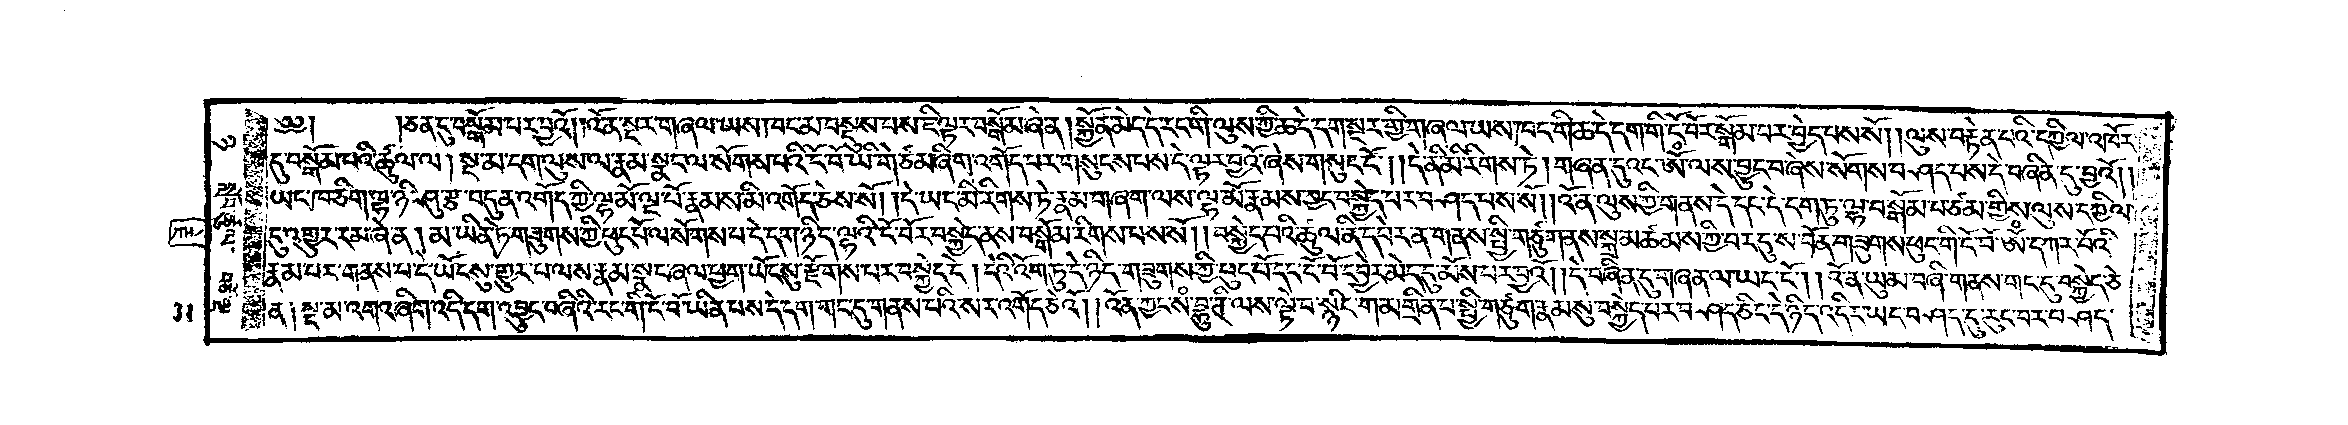༄༅། །ཅན་དུ་བསྒོམ་པར་བྱའོ། །འོ་ན་སྔར་གཞལ་ཡས་ཁང་མ་བསྡུས་པས་ཇི་ལྟར་བསྒོམ་ཞེ་ན། སྐྱོན་མེད་དེ་རང་གི་ལུས་ཀྱི་ཆ་དེ་དག་སྔར་གྱི་གཞལ་ཡས་ཁང་གི་ཆ་དེ་དག་གི་ངོ་བོར་སྒོམ་པར་བྱེད་པས་སོ། །ལུས་བརྟེན་པའི་དཀྱིལ་འཁོར་
དུ་བསྒོམ་པའི་ཚུལ་ལ། སྔ་མ་དག་ལུས་ལ་རྣམ་སྣང་ལ་སོགས་པའི་ངོ་བོ་ཡི་གེ་ཙམ་ཞིག་འགོད་པར་གསུངས་པས་དེ་ལྟར་བྱའོ་ཞེས་གསུང་ངོ། །དེ་ནི་མི་རིགས་ཏེ། གཞན་དུའང་ཨོཾ་ལས་བྱུང་བ་ཞེས་སོགས་བཤད་པས་དེ་བཞིན་དུ་བྱའོ། །
ཡང་ཁ་ཅིག་ལྷ་ཉི་ཤུ་རྩ་བདུན་འགོད་ཀྱི་ལྷ་མོ་ལྔ་པོ་རྣམས་མི་འགོད་ཅེས་སོ། །དེ་ཡང་མི་རིགས་ཏེ་རྣམ་གཞག་ལས་ལྷ་མོ་རྣམས་ཀྱང་བསྐྱེད་པར་བཤད་པས་སོ། །འོ་ན་ལུས་ཀྱི་གནས་དེ་དང་དེ་དག་ཏུ་ལྷ་བསྒོམ་པ་ཙམ་གྱིས་ལུས་དཀྱིལ་
དུ་འགྱུར་རམ་ཞེ་ན། མ་ཡིན་ཏེ་གཟུགས་ཀྱི་ཕུང་པོ་ལ་སོགས་པ་དེ་དག་ཉིད་ལྷའི་ངོ་བོར་བསྐྱེད་ནས་བསྒོམ་རིགས་པས་སོ། །བསྐྱེད་པའི་ཚུལ་ནི་དཔེར་ན་གནས་སྤྱི་གཙུག་ནས་སྐྲ་མཚམས་ཀྱི་བར་དུ་ས་བོན་གཟུགས་ཕུང་གི་ངོ་བོ་ཨོཾ་དཀར་པོའི་
རྣམ་པར་གནས་པ་དེ་ཡོངས་སུ་གྱུར་པ་ལས་རྣམ་སྣང་ཞལ་ཕྱག་ཡོངས་སུ་རྫོགས་པར་བསྐྱེད་དེ། དེའི་འོག་ཏུ་དེ་ཉིད་གཟུགས་ཀྱི་ཕུང་པོ་དང་ངོ་བོ་དབྱེར་མེད་དུ་མོས་པར་བྱའོ། །དེ་བཞིན་དུ་གཞན་ལ་ཡང་ངོ། །འོ་ན་ཡུམ་བཞི་གནས་གང་དུ་བསྐྱེད་ཅེ་
ན། སྔ་མ་འགའ་ཞིག་འདི་དག་འབྱུང་བཞིའི་རང་གི་ངོ་བོ་ཡིན་པས་དེ་དག་གང་དུ་གནས་པའི་སར་འགོད་ཅེའོ། །འོན་ཀྱང་སཾ་བྷུ་ཊི་ལས་ལྟེ་བ་སྙིང་ག་མགྲིན་པ་སྤྱི་གཙུག་རྣམས་སུ་བསྐྱེད་པར་བཤད་ཅིང་དེ་ཉིད་འདིར་ཡང་བཤད་དུ་རུང་བར་བཤད་